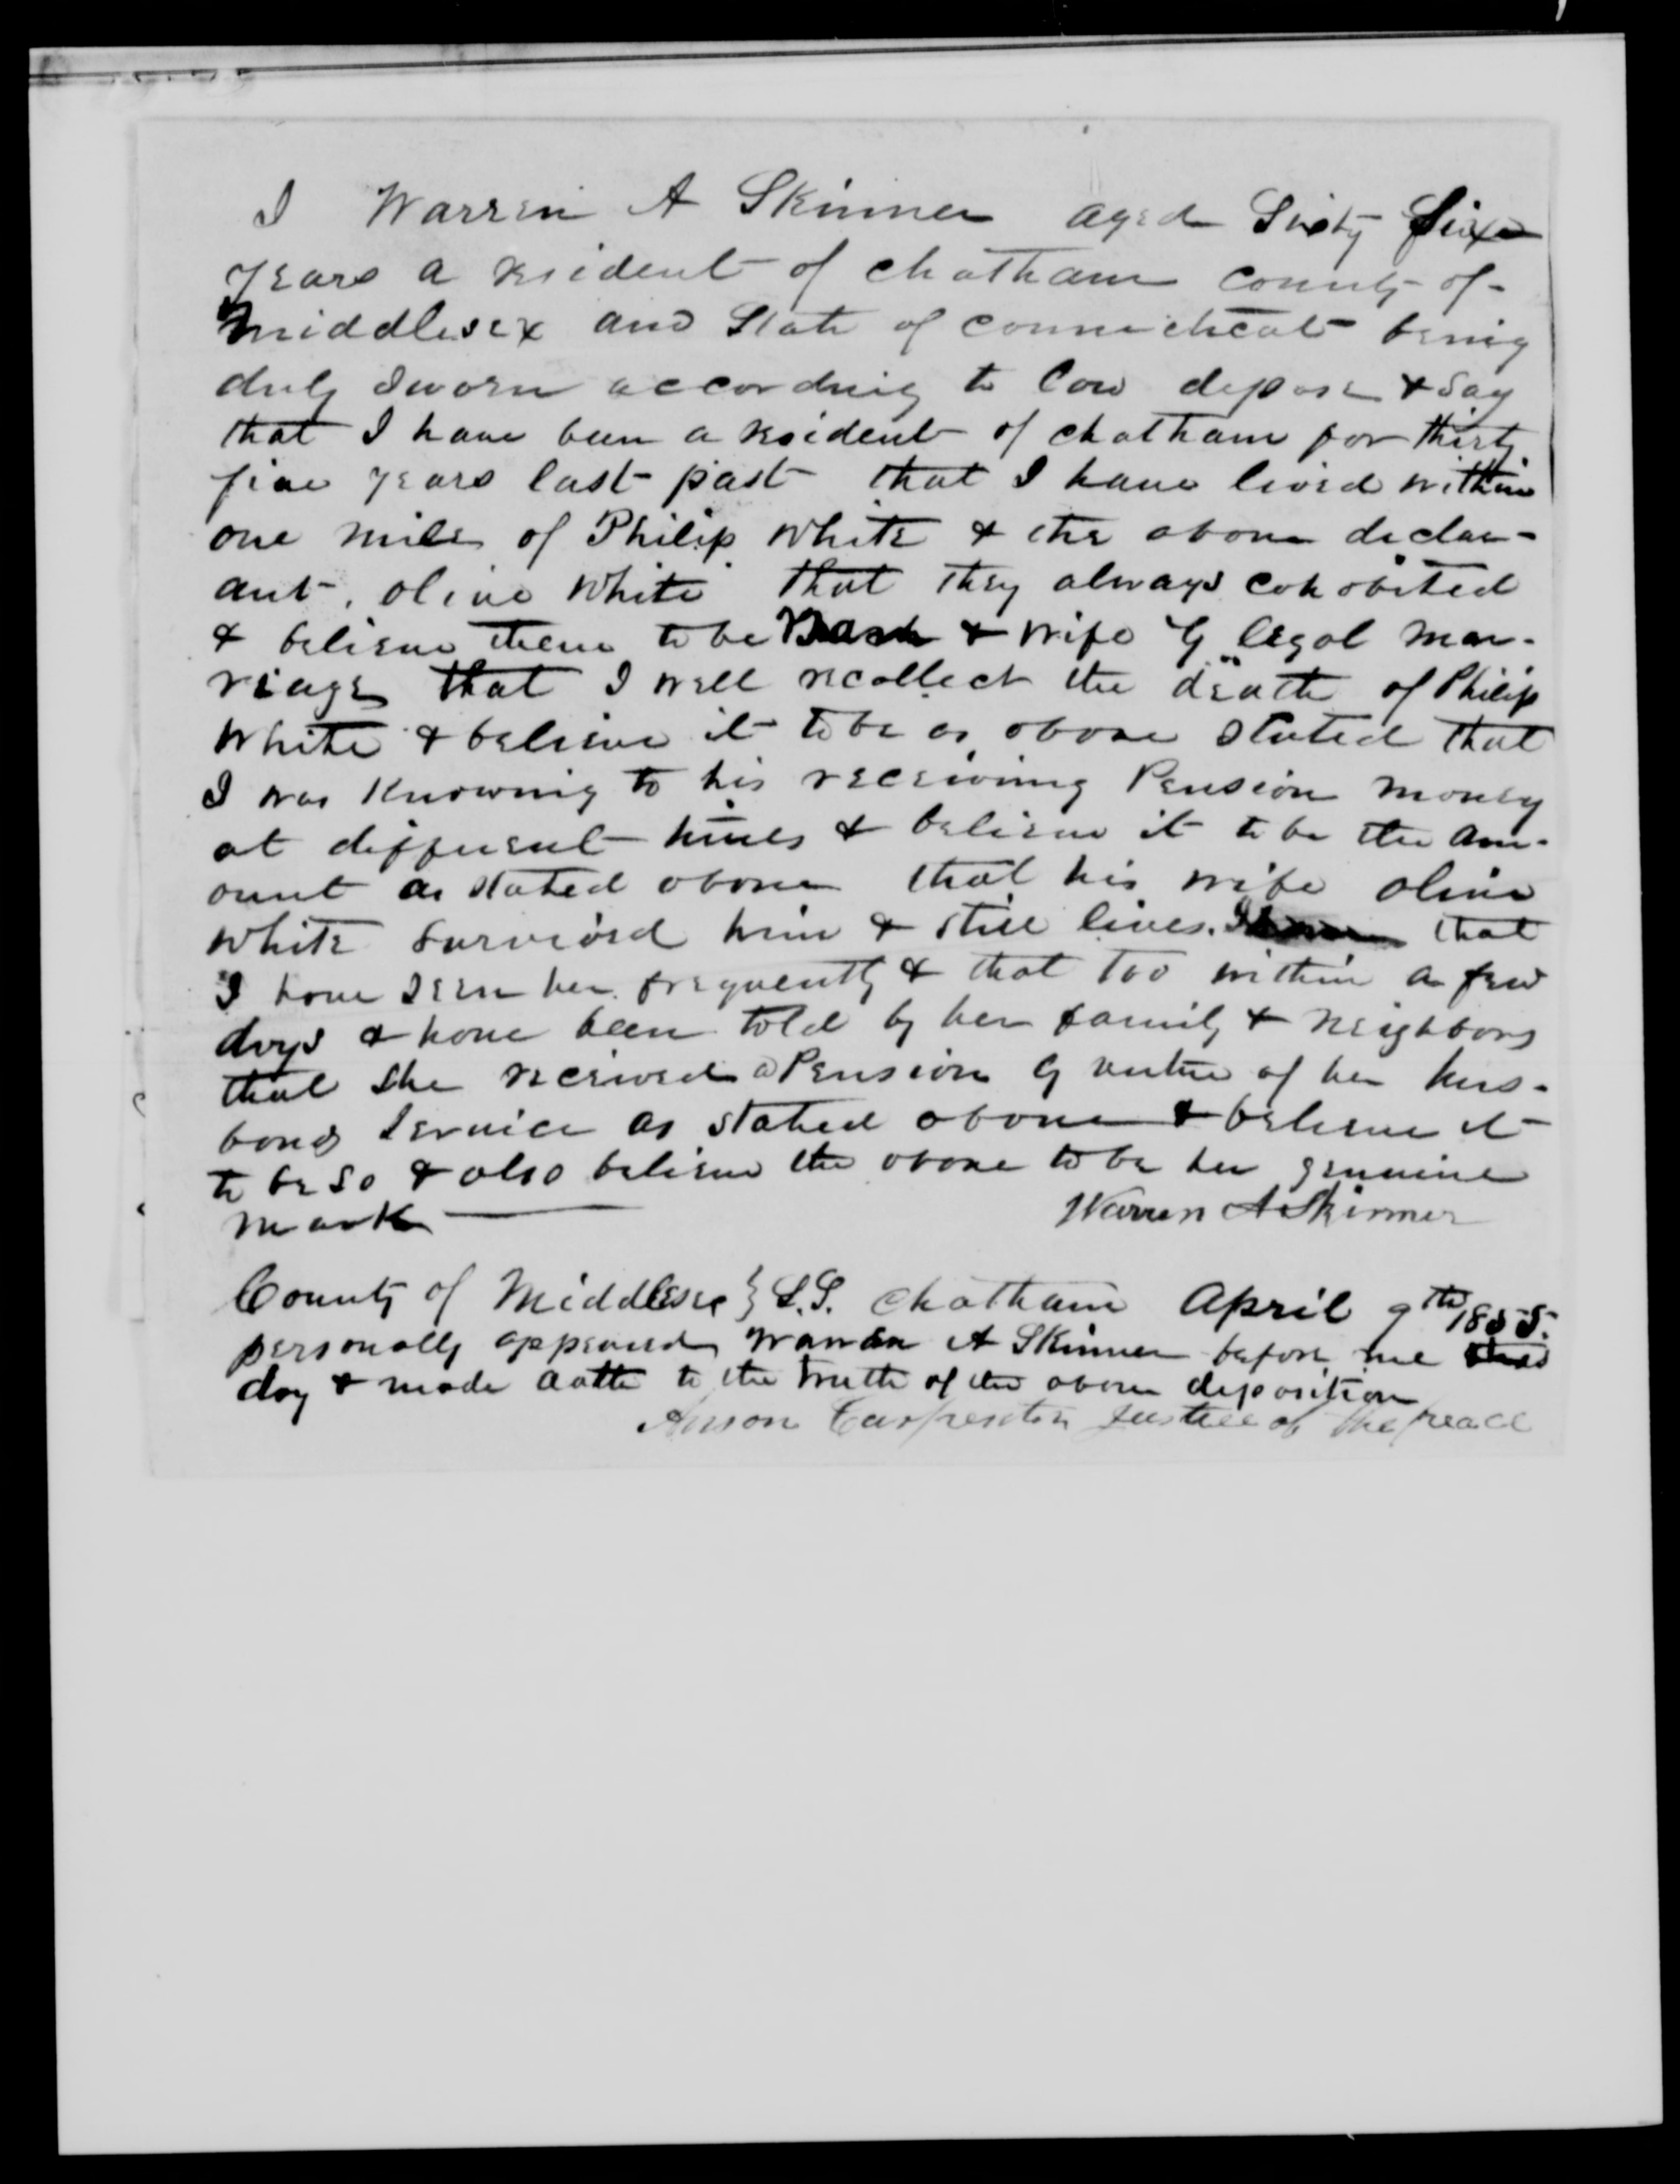I Warren A Skinner aged Sixty Six
years a resident of Chatham County of
Middlesex and State of Connecticut being
duly sworn according to law depose & say
that I have been a resident of Chatham for thirty
five years last past that I have lived within
one mile of Philip White & the above declarant,
Olive White that they always cohabited
& believe them to be Man & wife a legal 
marriage that I well recollect the death of Philip
White & believe it to be as above stated that
I was knowing to his receiving Pension money
at different times & believe it to be the
amount as stated above that his wife Olive
White survived him & still lives, that
I have seen her frequently & that too within a few
days & have been told by her family & neighbors
that she received a pension by virtue of her husband's
service as stated above & believe it
to be so & also believe the above to be her genuine
mark__
Warren A Skinner
County of Middlesex} S.S. Chatham April 9th 1855
personally appeared Warren A Skinner before me this
day & made oath to the truth of the above deposition
Anson Carpenter justice of the peace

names: Philip White, Olive White, Warren A Skinner, Anson Carpenter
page: 26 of 50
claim: widow's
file: W. 25,969, Philip White, Conn.